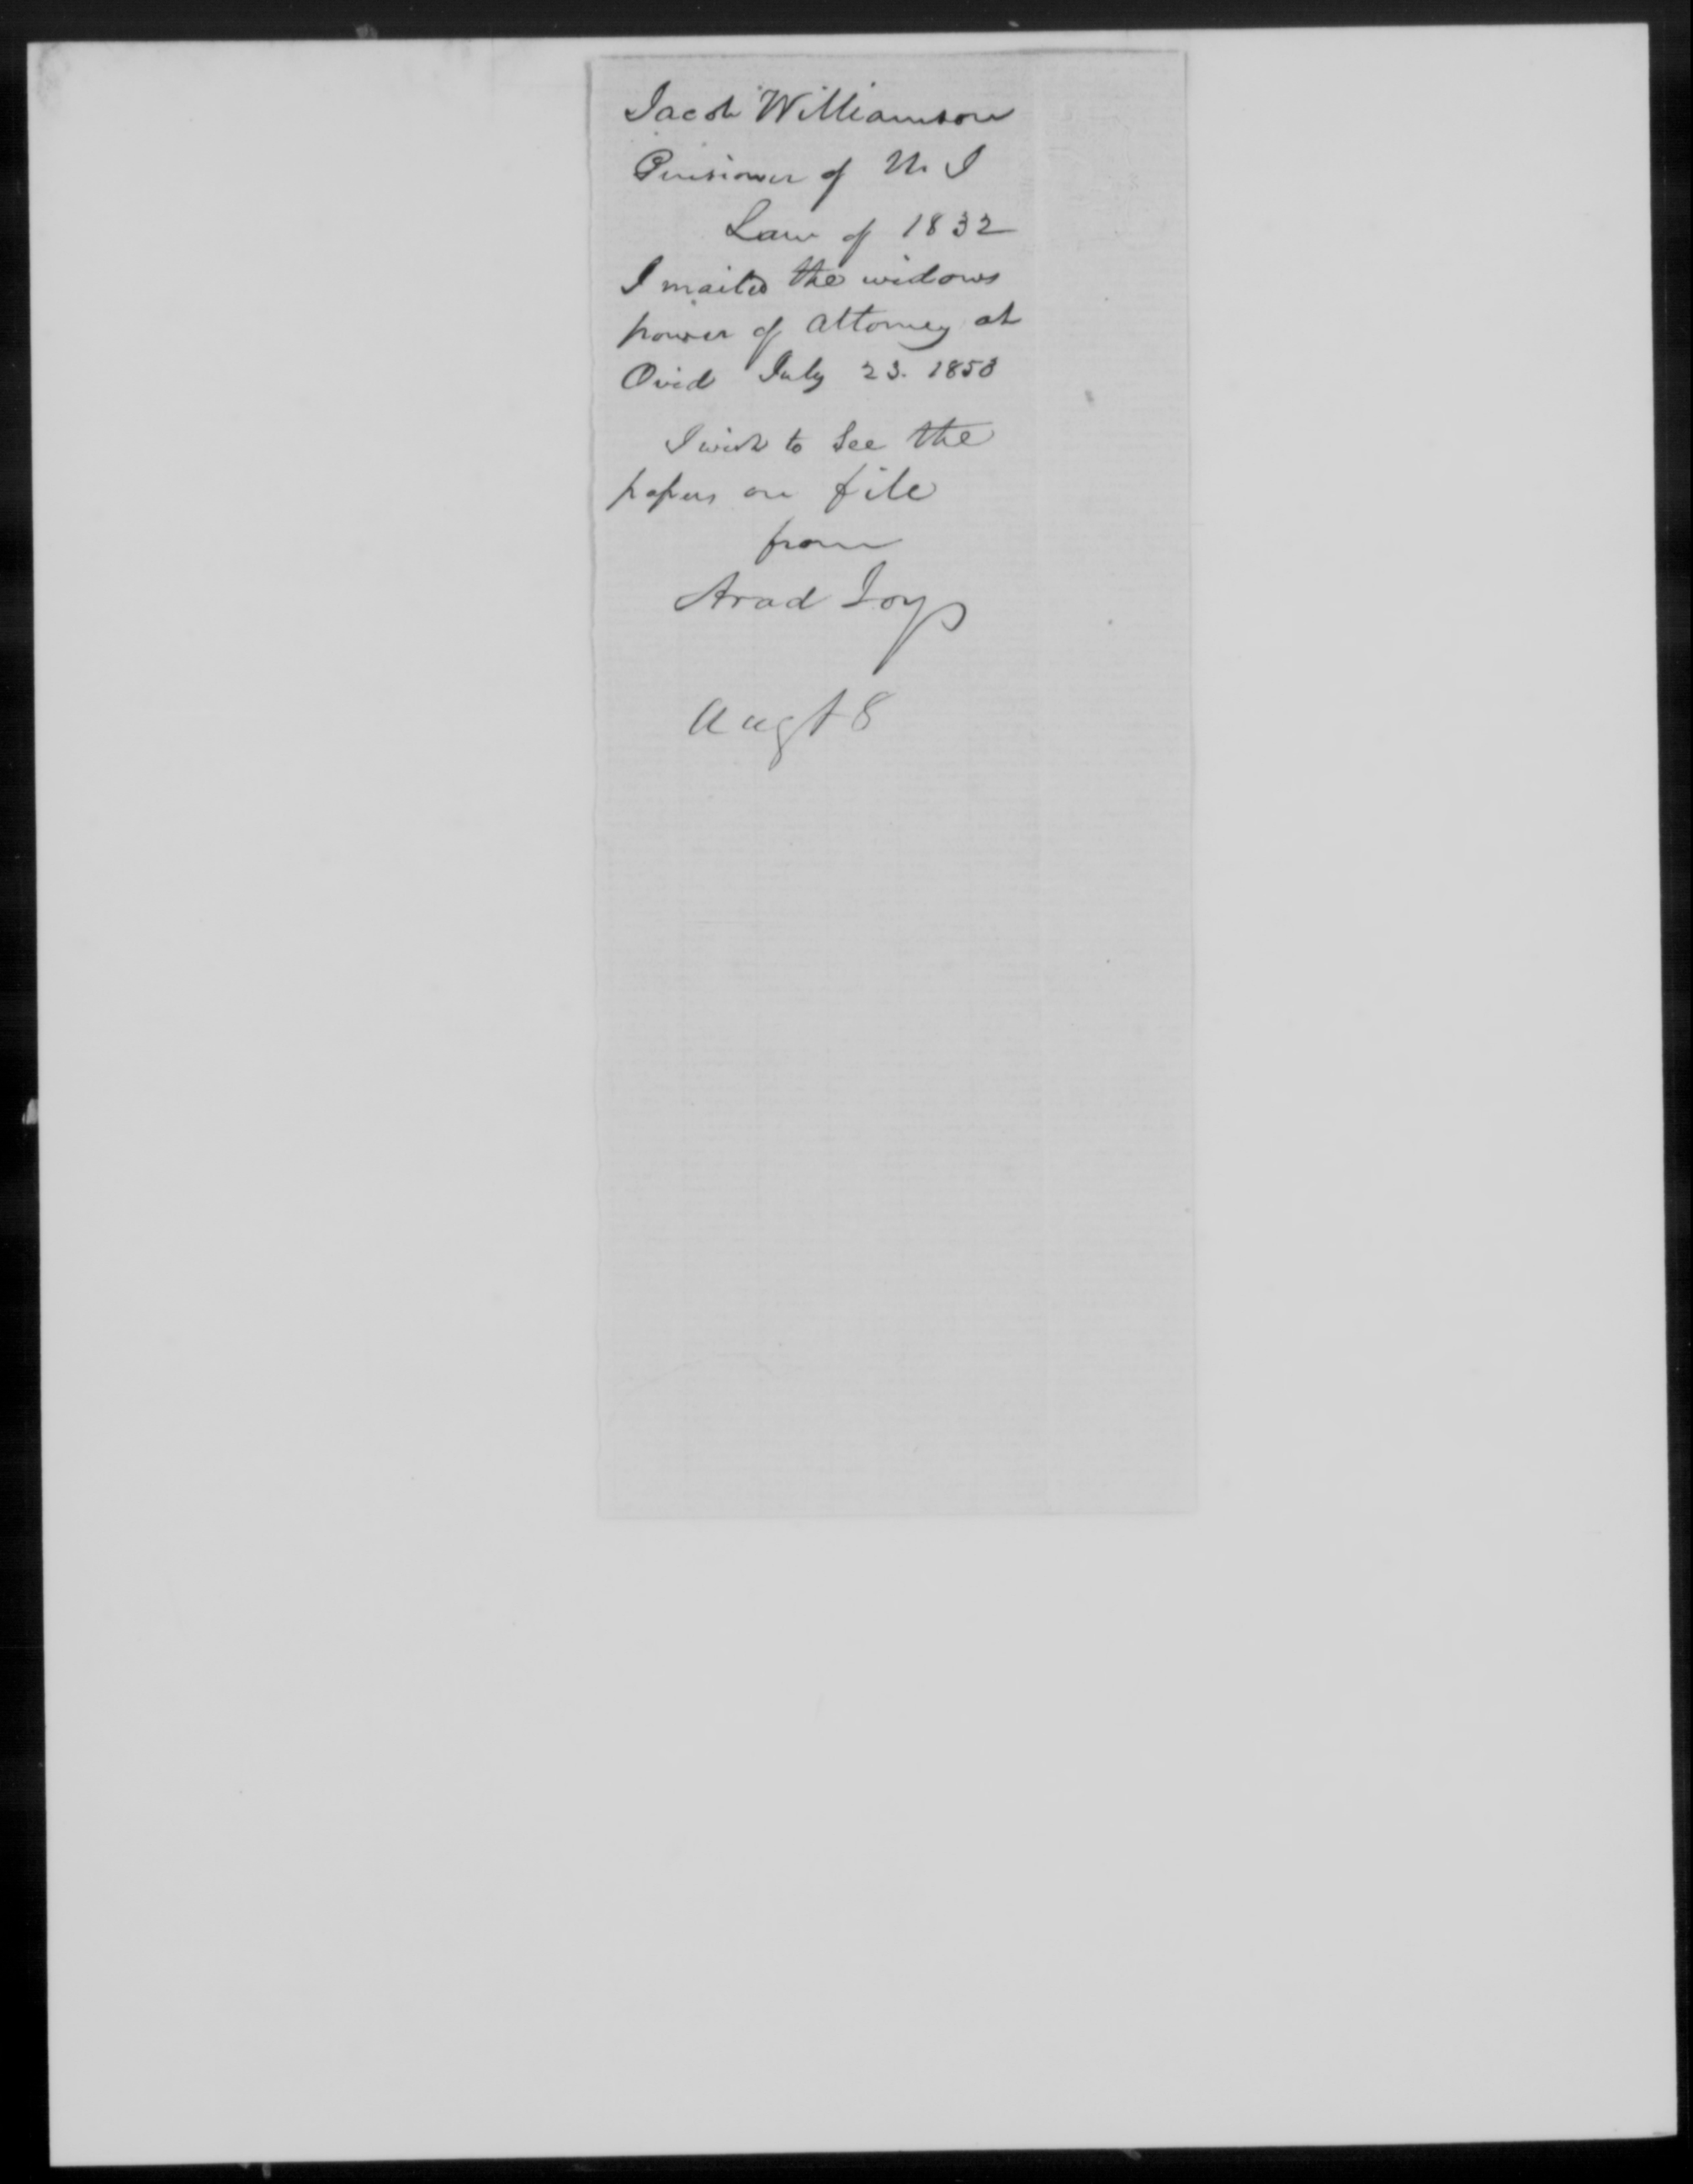Jacob Williamson, pensioner of N.J. Law of 1832. I mailed the widow's Power of Attorney at Ovid, July 23, 1853. I wish to see the papers on file.

From Arad Joy
Aug. 8.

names: Jacob Williamson, Arad Joy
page: 35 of 67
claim: widow's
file: W. 2393, Jacob Williamson, New Jersey